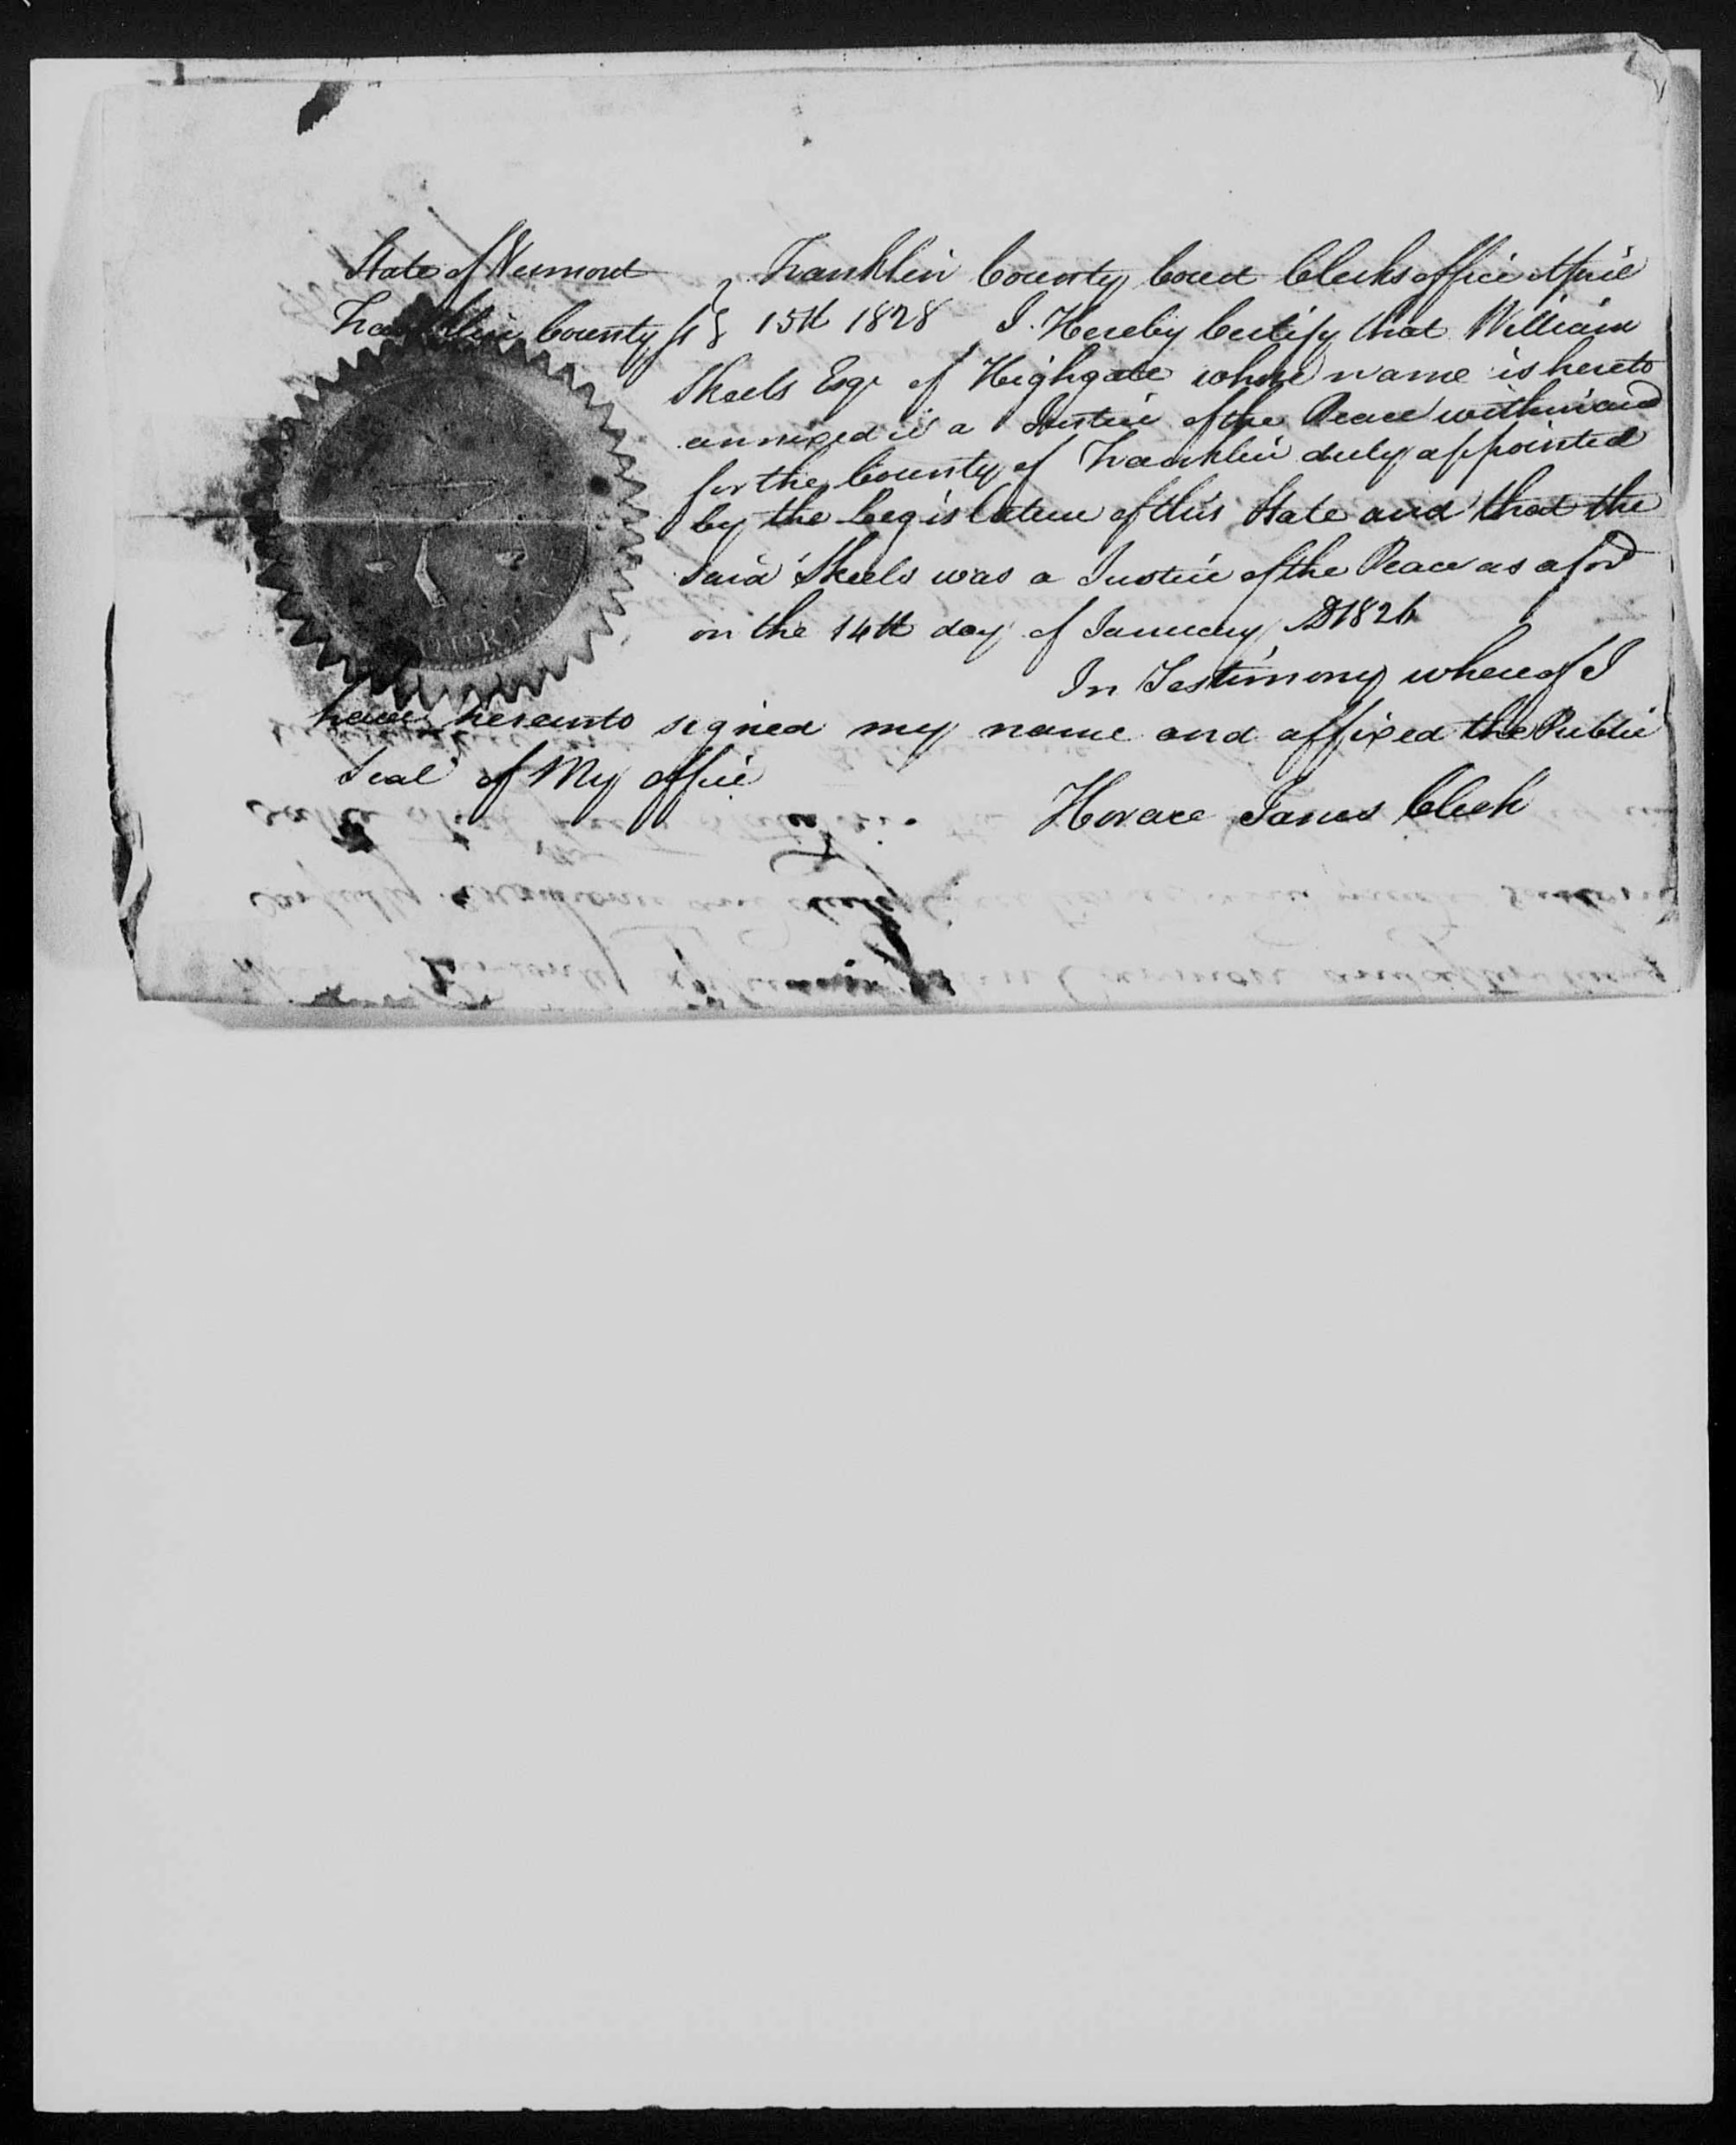State of Vermont   }Franklin County local
Franklin County ss }Clerks office
[illegible] 15th 1828 I hereby certify that William Sheels Esqr of Highgate whose name is hereto annexed is a Justice of the Peace within and for the County of Franklin duly appointed by the Legislature of this State and that the said Sheels was a Justice of the Peace as aford [aforesaid]  on the 14th of January, AD1826.
In testimony whereof I have hereunto signed my name and affixed the Public Seal of my office
Horace Janes Clerk

[seal]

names: Horace Janes, William Skeels, Skeels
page: 78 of 100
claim: survivor's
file: S 19186, James Austin, Conn. New York R.I.